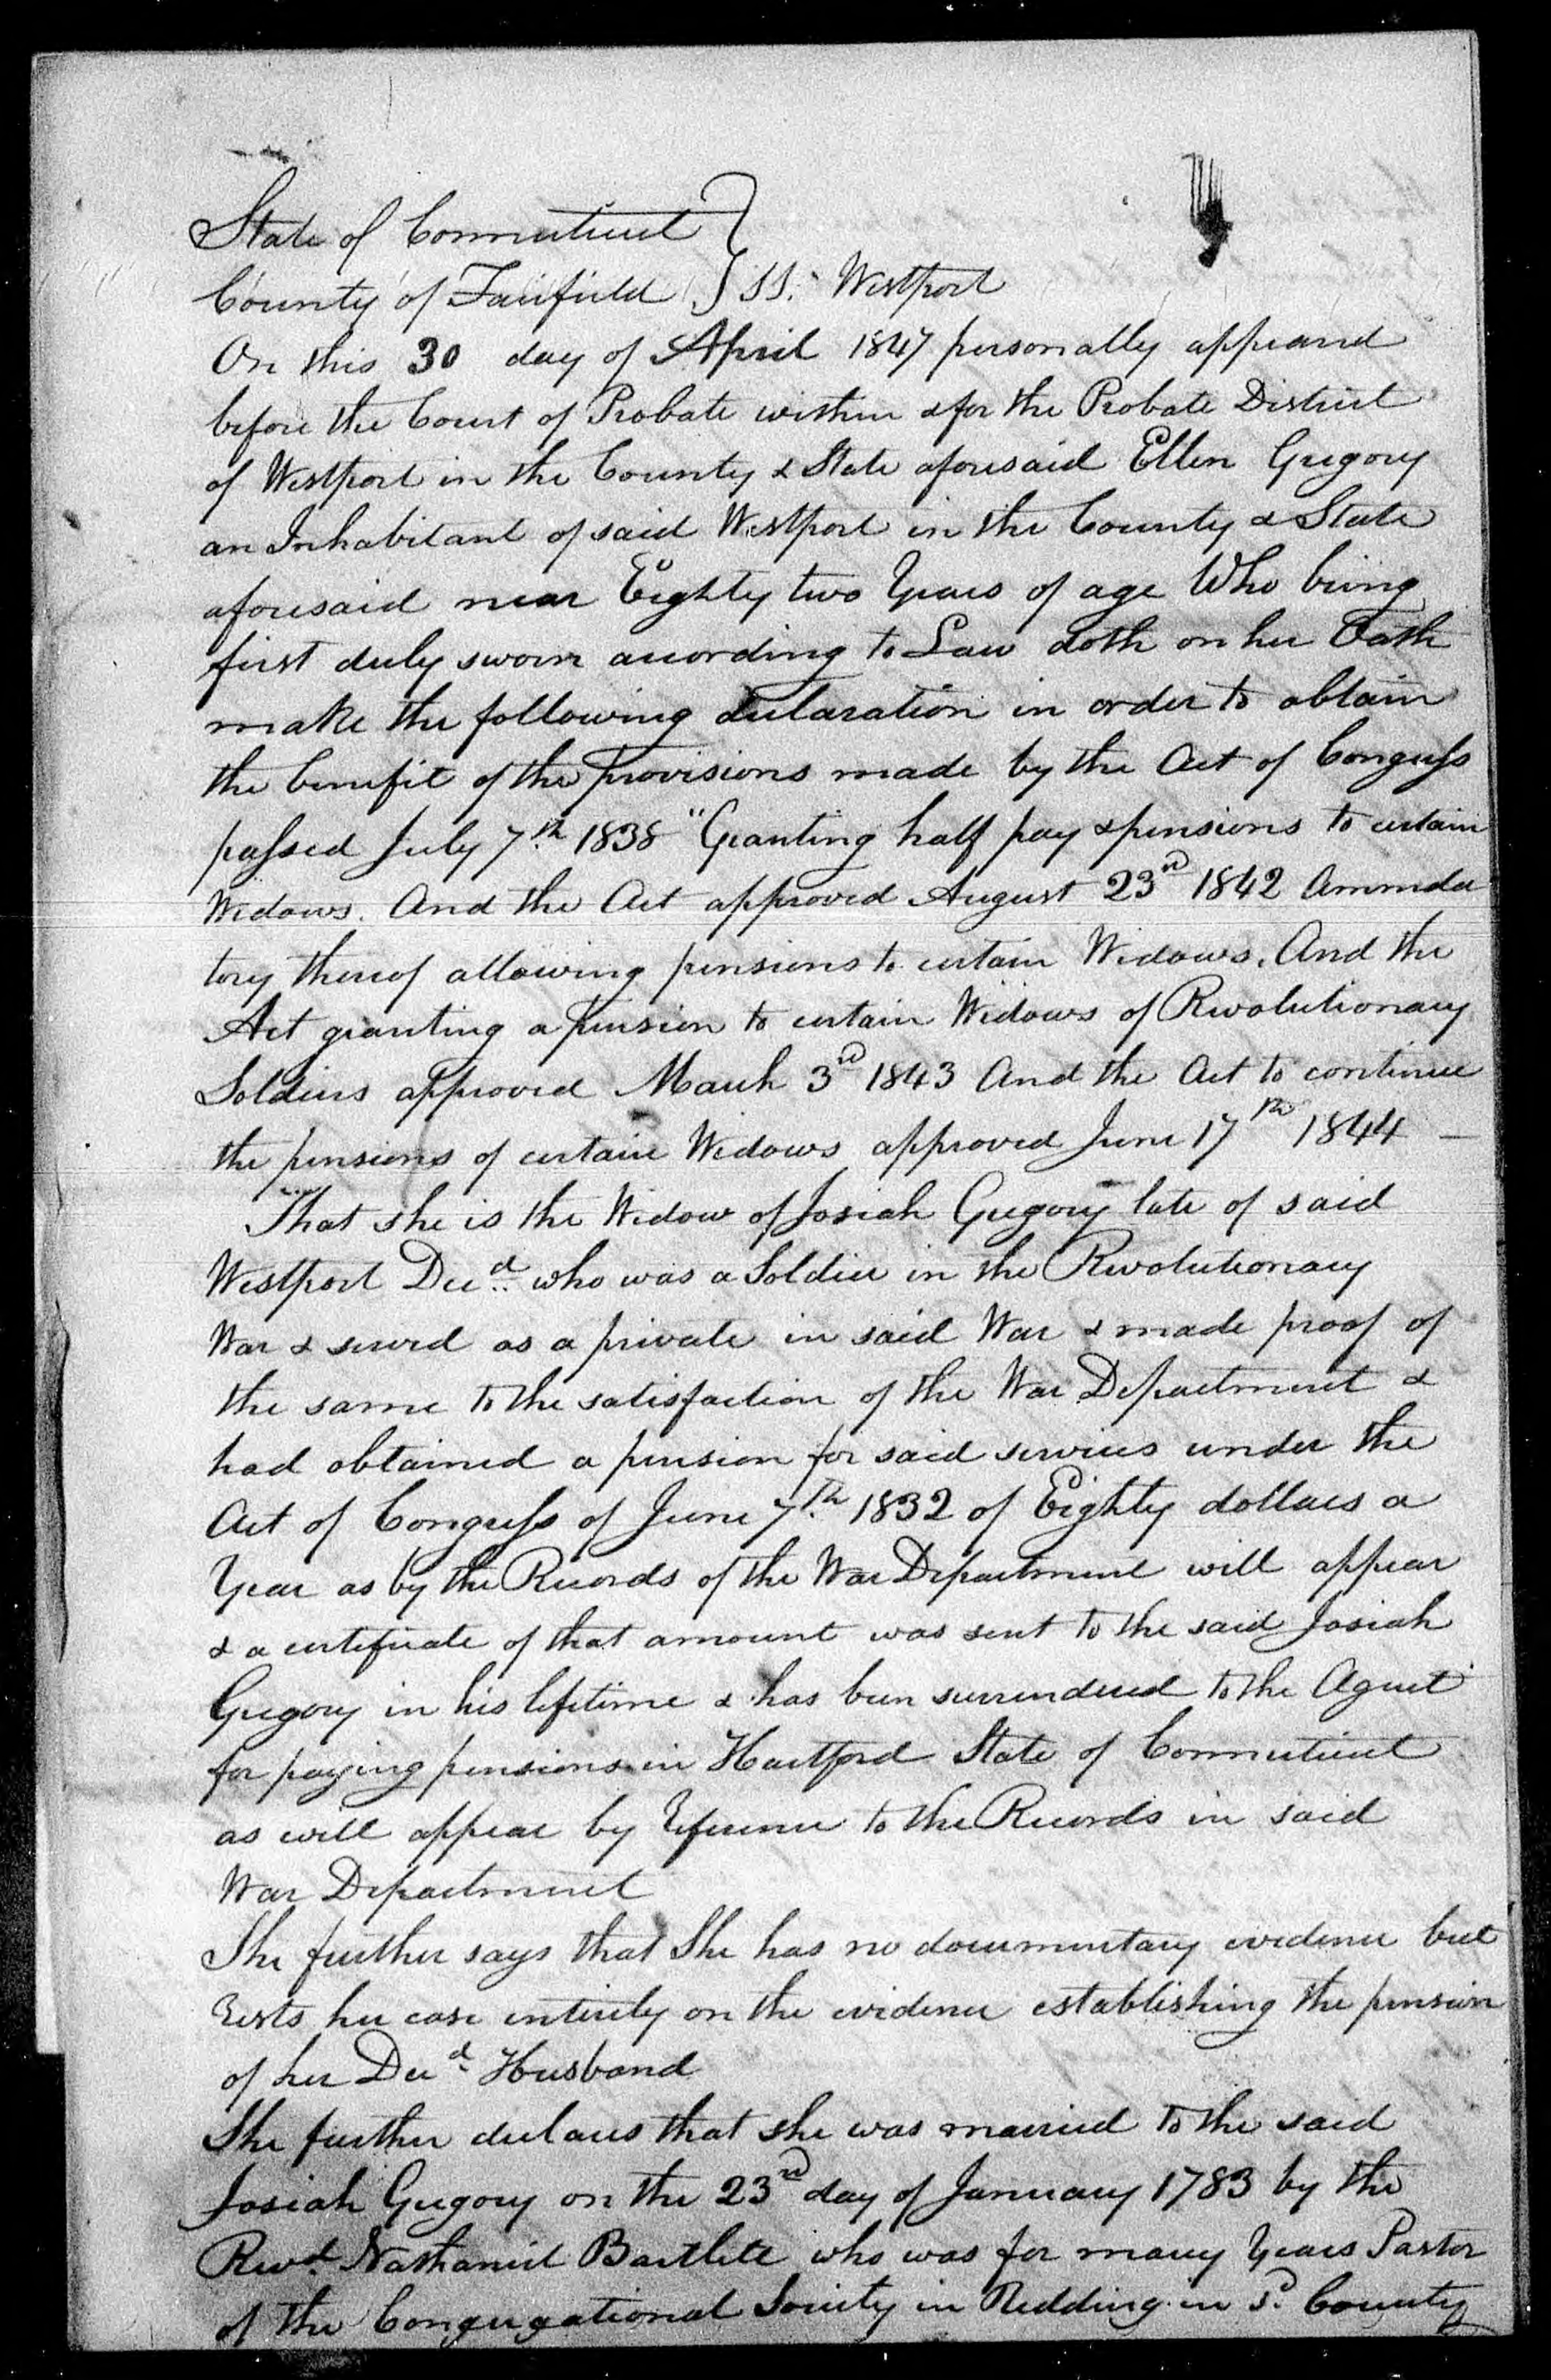State of Connecticut
County of Fairfield} SS. Westport

On this 30 day of April 1847 personally appeared before the Court of Probate within the Probate District of Westport in the County and State aforesaid Ellen Gregory an Inhabitant of said Westport in the County  & State aforesaid near  Eighty two Years of age Who being first duly sworn according to Law doth in her Oath make the following declaration in order to obtain the benefits of the provisions made by the Act of Congress passed July 7th 1838 "Granting half pay & pensions to certain Widows. And the Act approved August 23rd 1843 Amendatory thereof allowing pensions to certain Widows. And the Act granting a pension to certain Widows of Revolutionary Soldiers approved March 3rd 1843 And the Act to continue the pensions of certain Widows approved June 17th 1844 -
That she is the Widow of Josiah Gregory late of said Westport Decd. who was a Soldier in the Revolutionary War and served as a private in said War & made proof of the same to the satisfaction of the War Department & had obtained a pension for said services under the Act of Congress on June 7th 1832 of Eighty dollars a year as by the Records of the War department will appear & a certificate of that amount was sent to said Josiah Gregory in his lifetime & has been surrendered to the Agent for paying pensions in Hartford State of Connecticut as will appear by deference to the Records in said War Department
She further says that She has no documentary evidence but rests her case entirely on the evidence establishing the pension if her Decd. Husband
She further declares that she was married to the said Josiah Gregory on the 23rd day of January 1783 by the Revd. Nathaniel Bartlett who was for many years Pastor of the Congregational Society in Redding in sd County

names: Josiah Gregory, Josiah Gregory, Nathaniel Bartlett, Ellen Gregory, Josiah Gregory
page: 11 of 49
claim: widow's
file: W 24308, Josiah Gregory, Conn.